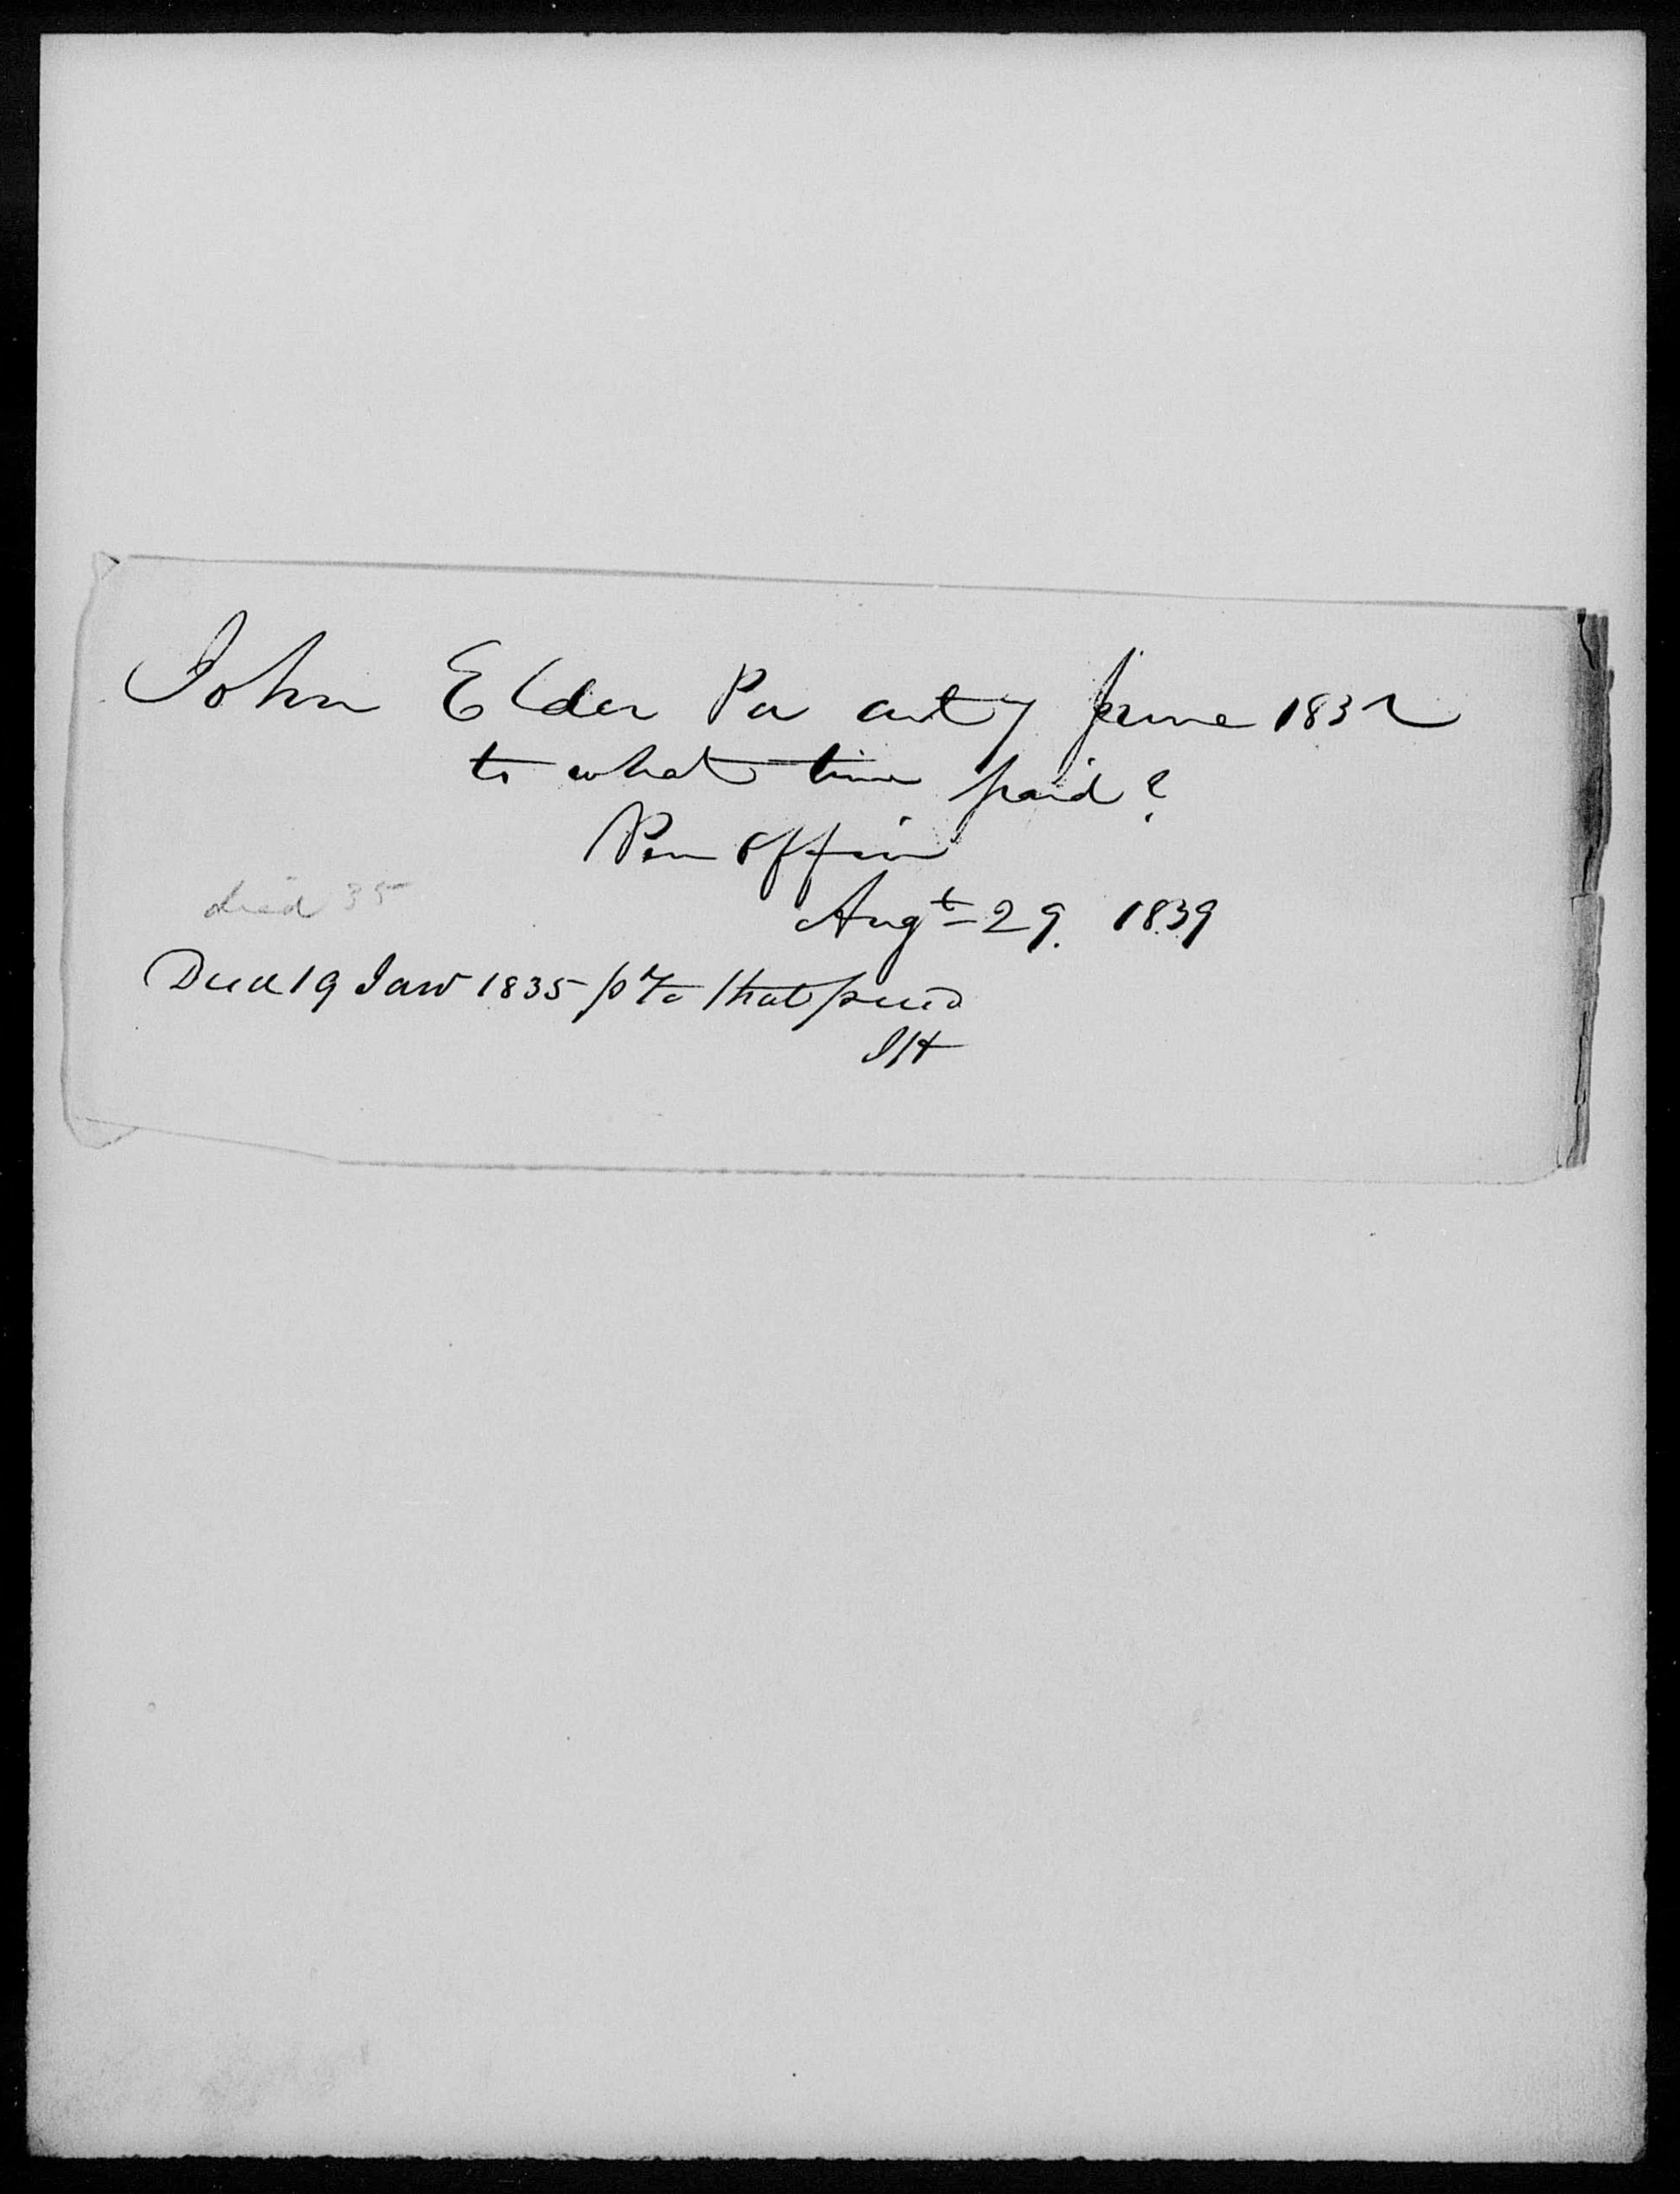John Elder Pa [illegible] June 183(?)
to what time paid!
(ineligible)
(ineligible) 35  Aug 29 1939
Duulg law 1835/07 that paid 
JH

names: John Elder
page: 42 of 80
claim: widow's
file: W. 24117, John Elder, Penn.